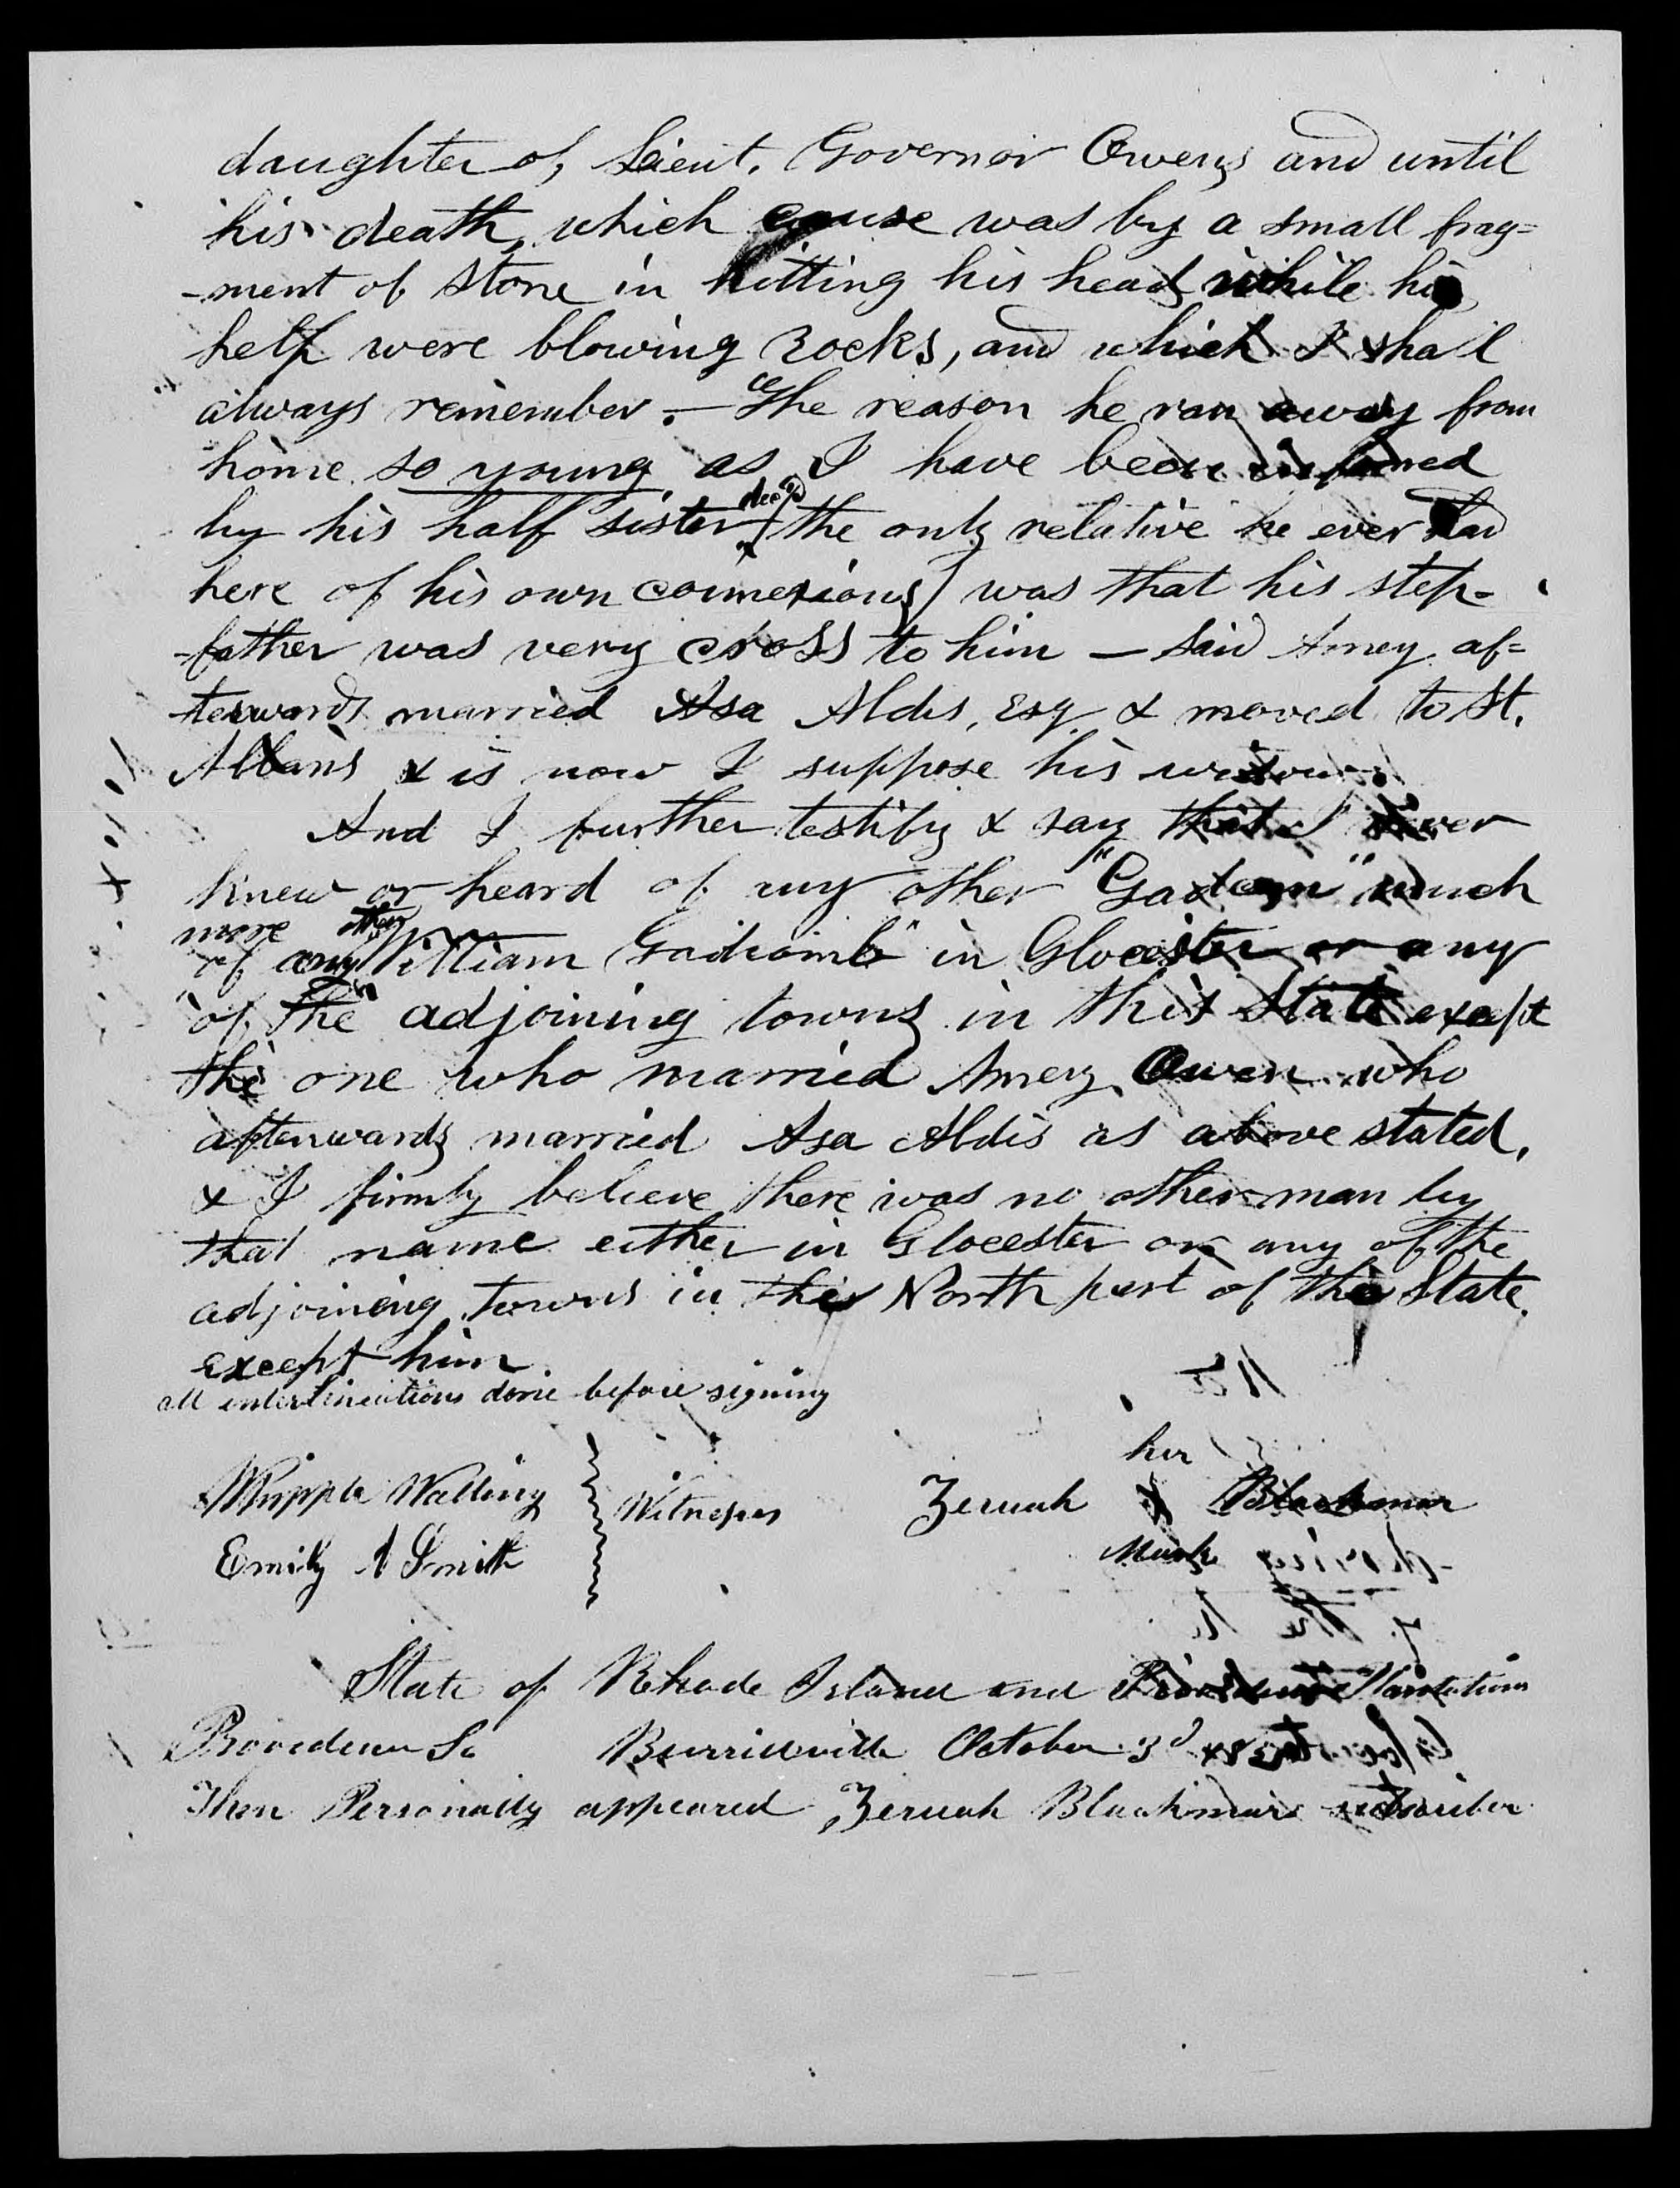daughter of Lieut Governor Owens and until his death, which cause ewas by a small fragment of stone in hitting his head while his help were blowing rocks, and which I shall always remember. The reason he ran away from home so young, as I have been informed by his half sister, dec'd, the only relative he ever had here of his own connexions was that his stepfather was very cross to him. Said Amey afterwards married Asa Aldis, Esq. & moved to St. Albans & is now I suppose his widow. And I further testify & say that I never knew or heard of any other Gadcomb much more any other William Gadcomb in Glocester or any of the adjoining towns in this State except the one who married Amey Owens who afterwards married Asa Aldis as above stated, & I firmly believe there was no other man by that name either in Glocester or any of the adjoining towns in the North part of the State except him. All interlineations done before signing. 
Her Mark X Zerucah Blackmar
Whipple Walling
Emily A Smith 
State of Rhode Island an Providence Plantations Providence Sc. Burrillville October 3d 1855 Then personally appeared Zerucah Blackmar subscriber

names: Amey Owen, Emily A Smith, Asa Aldis, Amey, Gadcom, Whipple Walling, Zeruah Blackmar, William Gadcomb, Governor Owens, Zeruah Blackmar, Asa Aldis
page: 40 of 76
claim: widow's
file: W. 15,517, William Gadcomb, R.I.